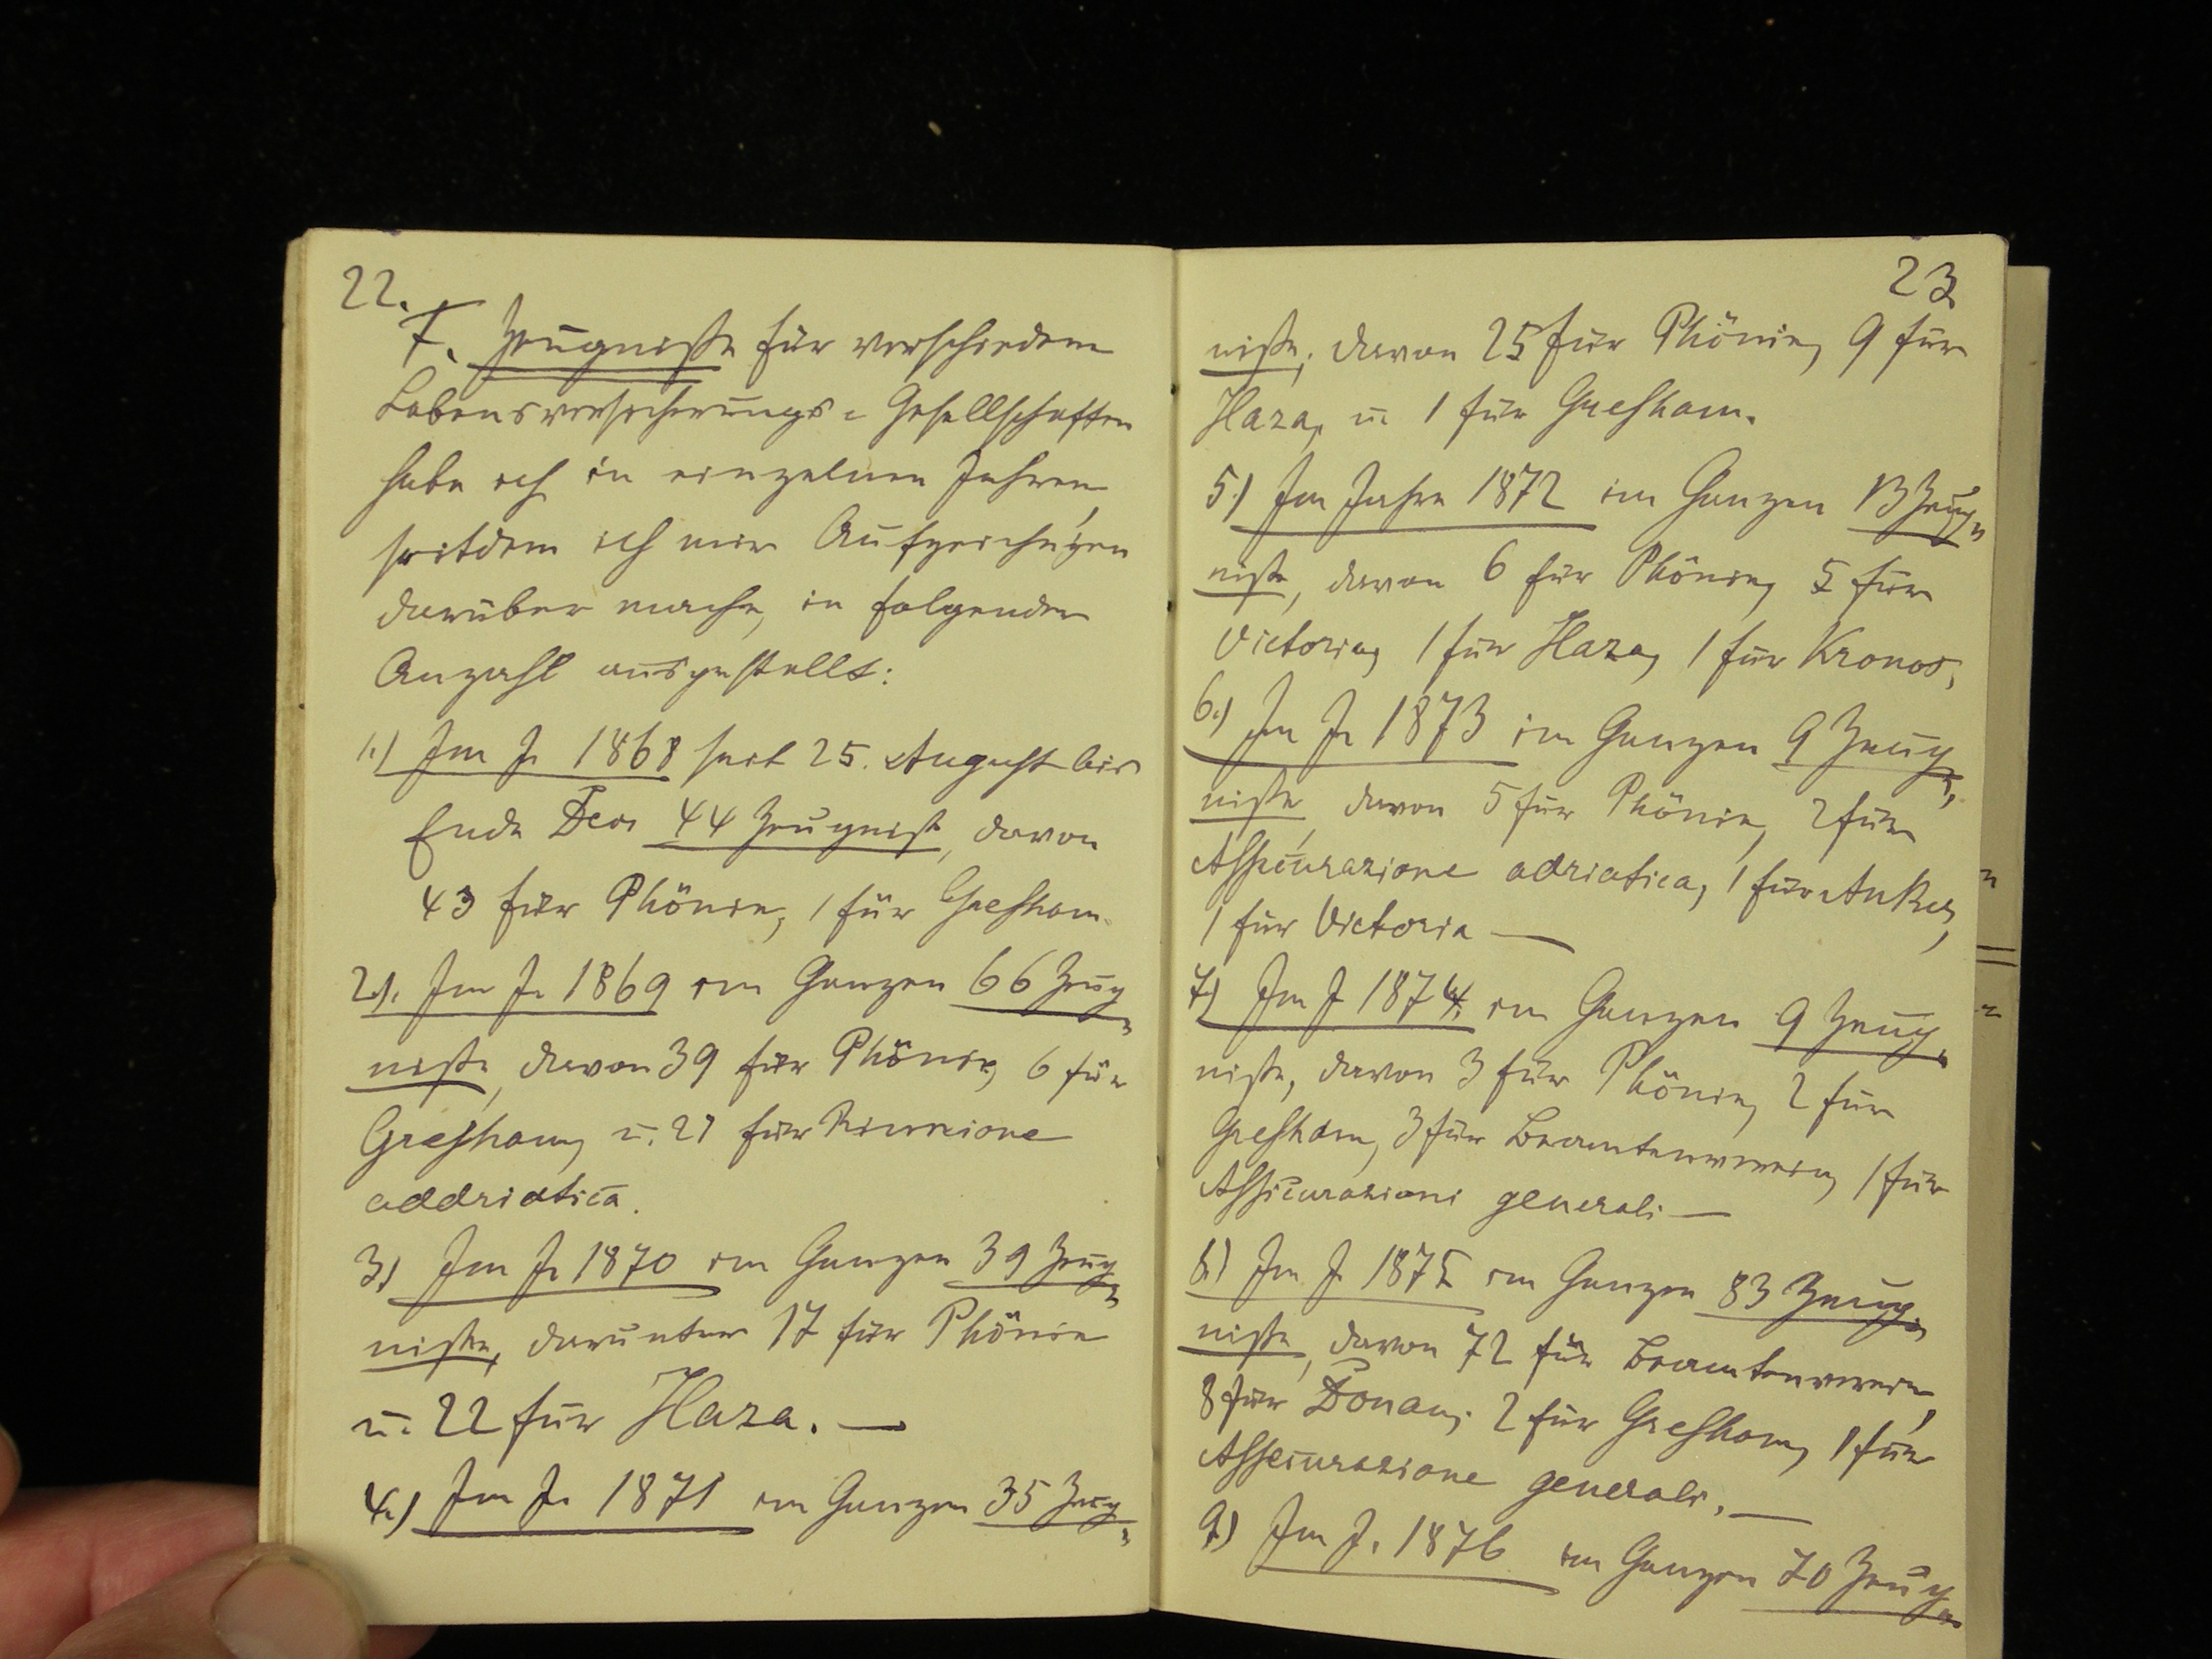22
F.) Zeugniße für verschiedene
Lebensvesicherungs- Gesellschaften
habe ich in einzelnen Jahre
seitdem ich mir Aufzeichnungen
darüber mache, in folgender
Anzahl ausgestellt:
1) Im Jahre 1868 seit 25. August bis
Ende Dec. 44 Zeugniße, davon
43 für Phönix, 1 für Hestony.
2) Im Jahre 1869 im ganzen 66 Zeug¬
nißen , davon 39 für Phönix, 6 für
Hestony, und 27 für Riunione
addriatica.
3) Im Jahr 1870 im ganzen 39 Zeug¬
niße, darunter 17 für Phönix
und 22 für Tlara.-
4) Im J. 1871 im Ganzen 35 Zeug¬
23
niße, davon 25 für Phönix, 9 für
Tlara und 1 für Hestony.
5) Im Jahre 1872 im Ganzen 13 Zeug¬
niße, davon 6 für Phönix, 5 für
Victory, 1 für Tlara, 1 für Kronos.
6) Im Jahre 1873 im ganzen 9 Zeug¬
niße, davon 5 für Phönix, 2 für
Assicuracione addriatica, 1 für Anker,
1 für Victoria.
7) Im Jahr 1874 im Ganzen 9 Zeug¬
niße, davon 3 für Phönix, 2 für
Hestony, 3 für Beamtenversicherung, 1 für
Assicuracione generali.
8) Im Jahr 1875 im Ganzen 83 Zeug¬
niße, davon 72 für Beamtenversicherung,
8 für Donau, 2 für Hestony, 1 für
Assicuracione generali.
9) Im Jahre 1876 im Ganzen 70 Zeug¬